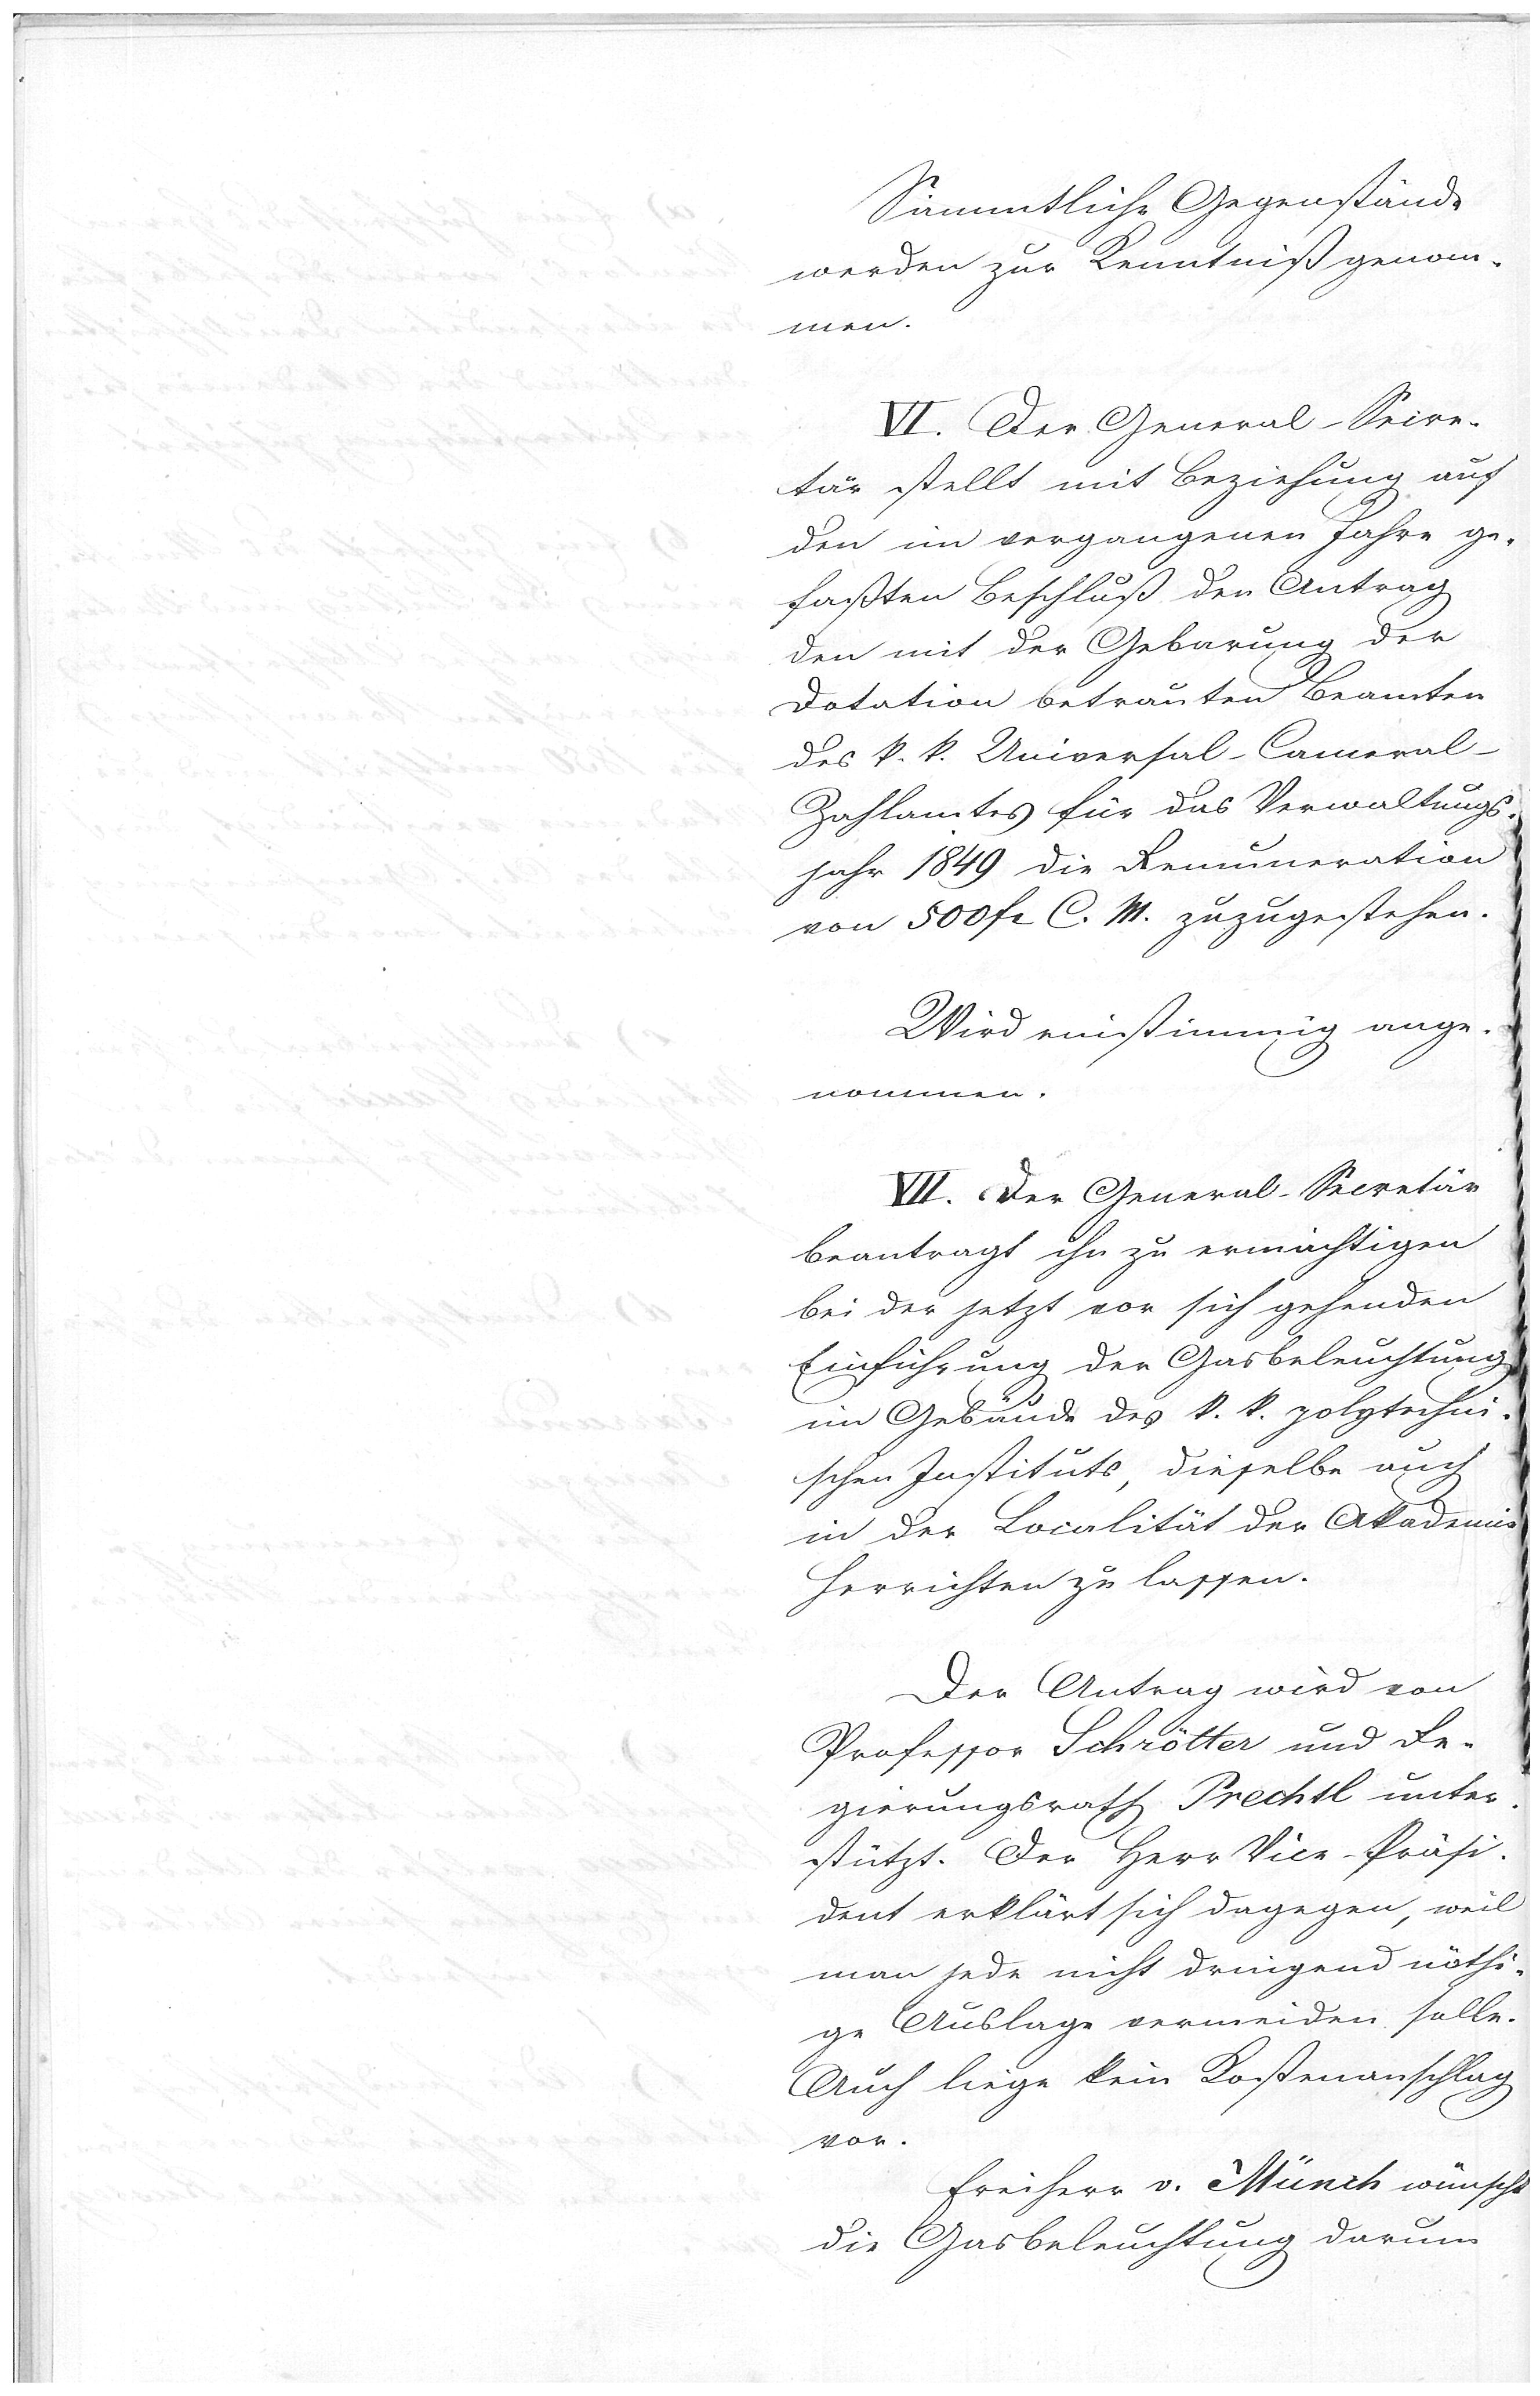Sämmtliche Gegenstände
werden zur Kenntniß genom-
men.
VI. Der General-Secre-
tär stellt mit Beziehung auf
den im vergangenen Jahre ge-
faßten Beschluß den Antrag
den mit der Gebarung der
Dotation betrauten Beamten
der k. k. Universal-Cameral-
Zahlamtes für das Verwaltungs-
jahr 1849 die Remuneration
von 500 fl C.M. zuzugestehen.
Wird einstimmig ange-
nommen.
VII. Der General-Secretär
beantragt ihn zu ermächtigen
bei der jetzt vor sich gehenden
Einführung der Gasbeleuchtung
in Gebäude des k. k. polytechni-
schen Instituts, dieselbe auch
in der Localität der Akademie
herrichten zu lassen.
Der Antrag wird von
Professor Schrötter und Re-
gierungsrath Prechtl unter-
stützt. Der Herr Vice-Präsi-
dent erklärt sich dagegen, weil
man jede nicht dringend nöthi-
ge Auslage vermeiden solle.
Auch liege kein Kostenanschlag
vor.
Freiherr v. Münch wünscht
die Gasbeleuchtung darum